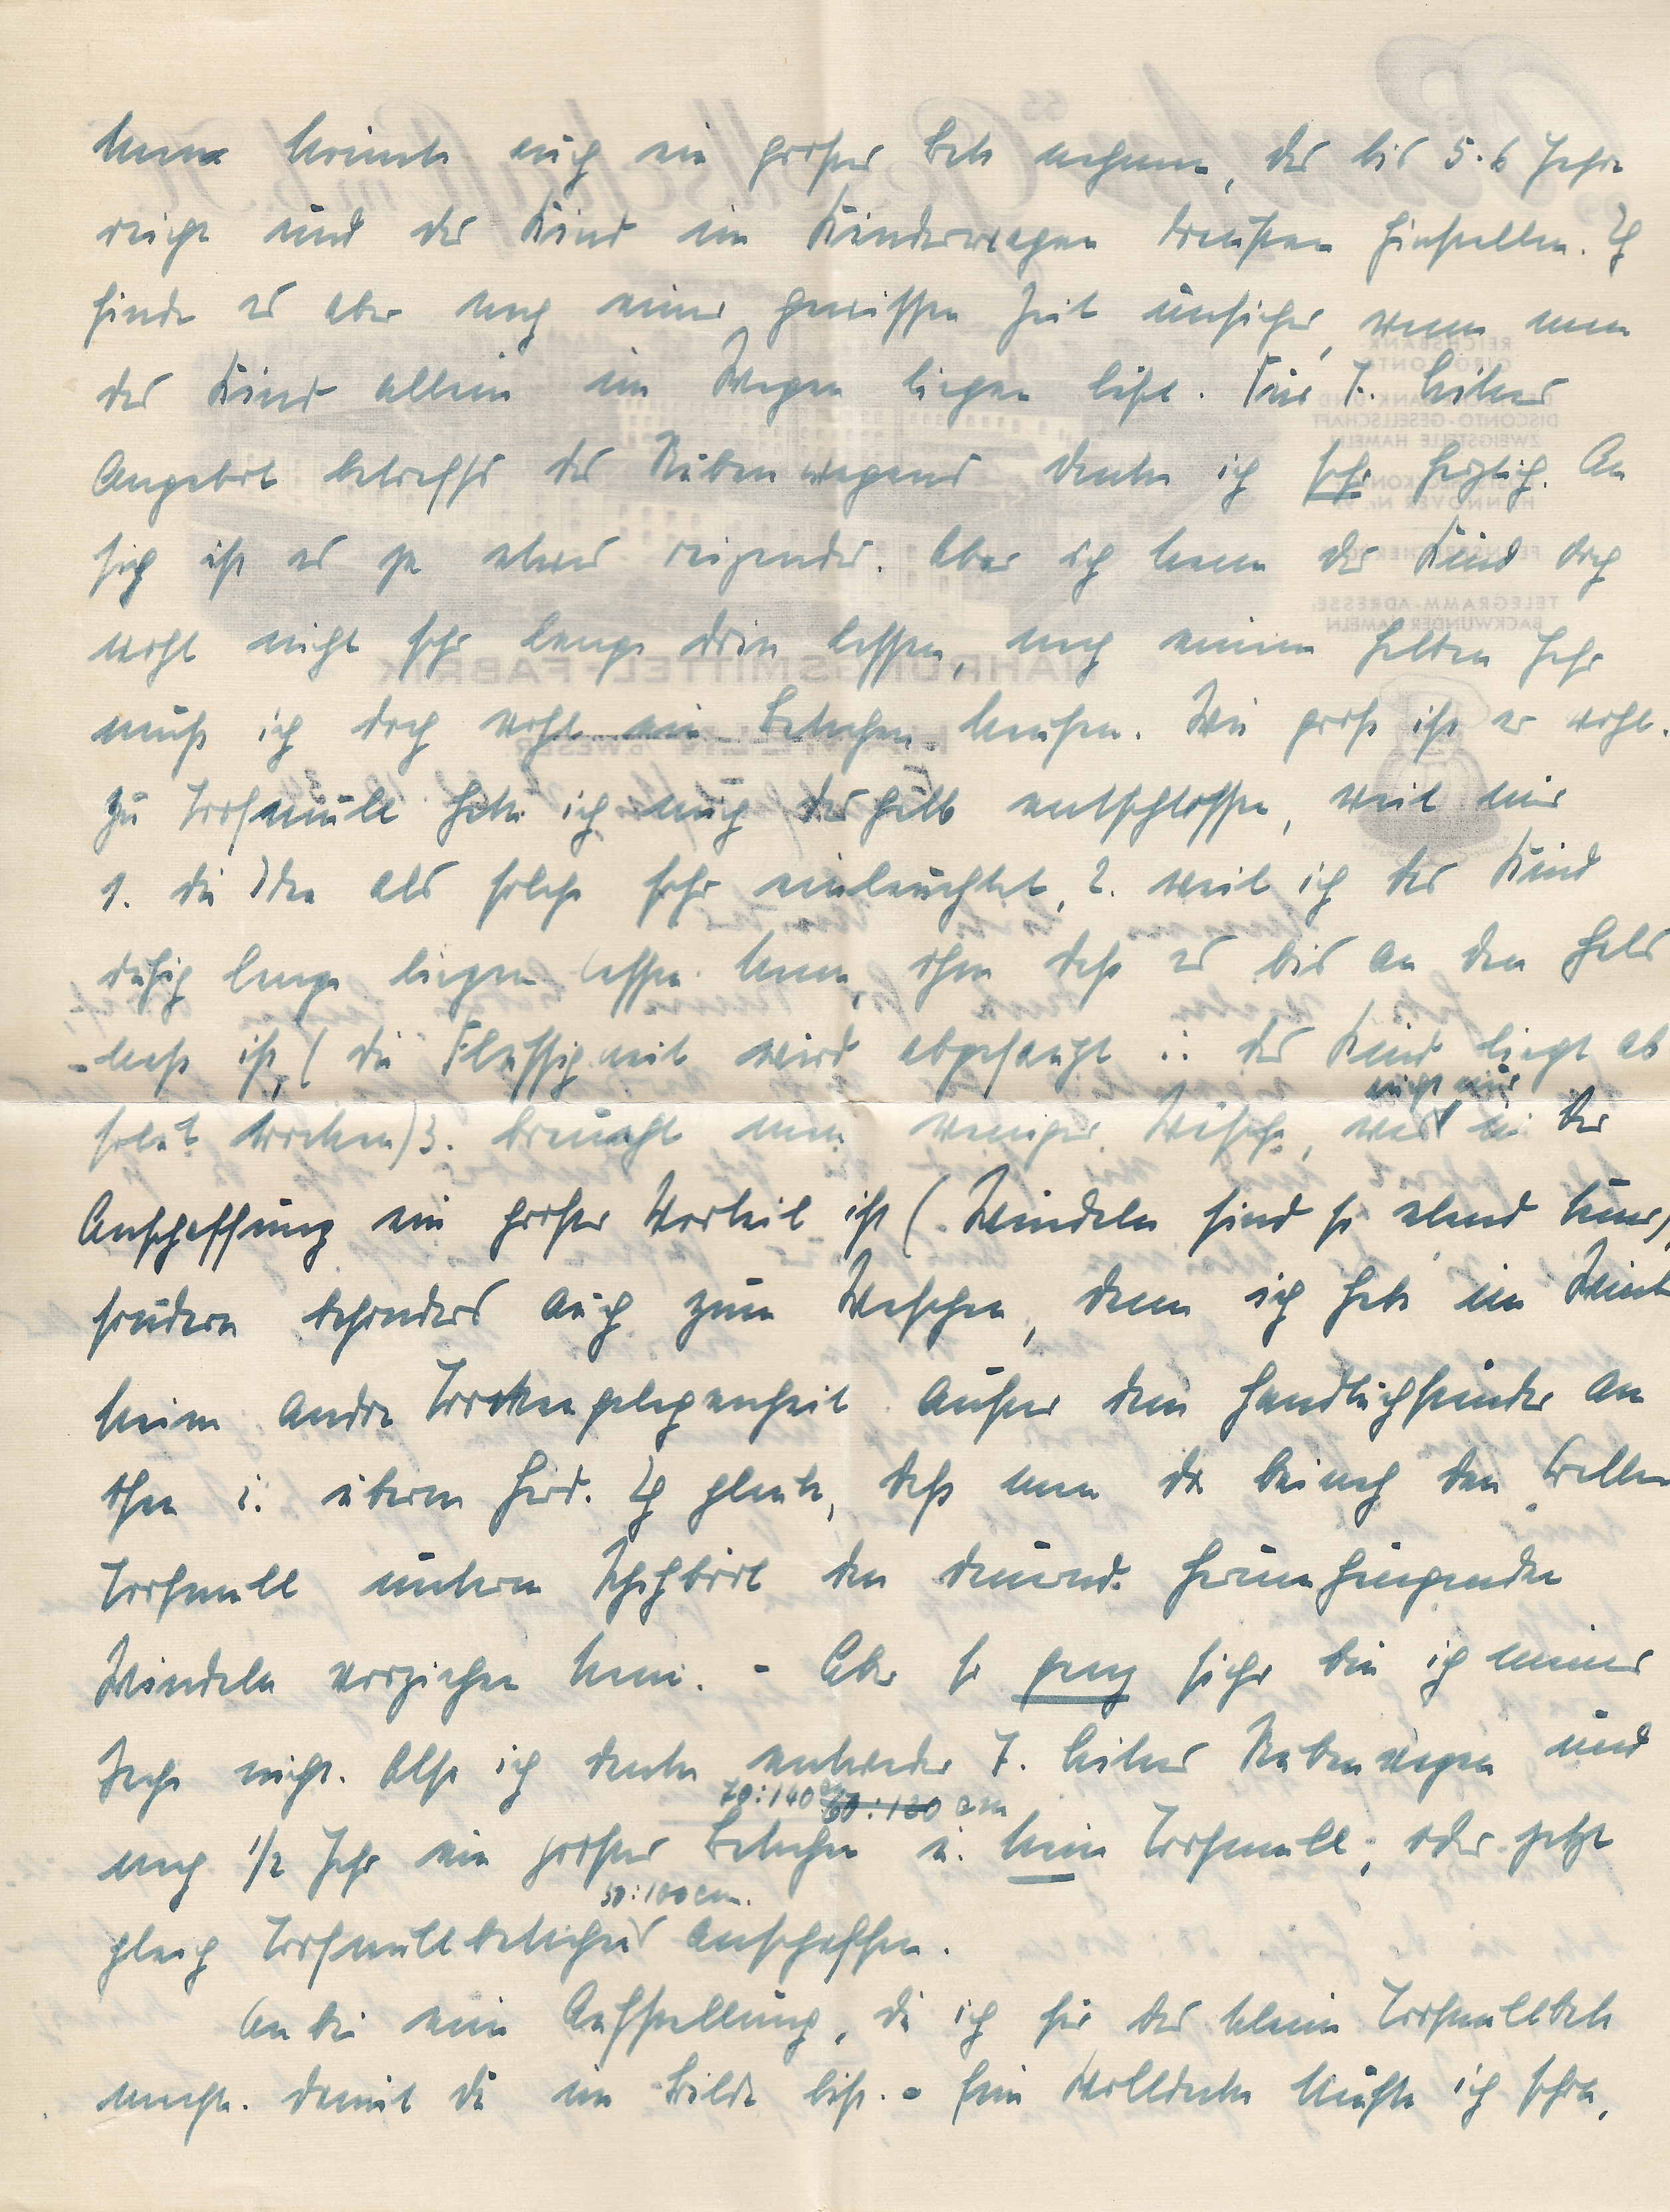nn Emnt.a7 nn e.t b nht ri 3 6.Jer
1i ch. und das Kind im Kinderwagen ?? sichselber. Ich
finde es ? uns reinen Gewissen si. hort linstohe nn, om
te Sincd ten dtvm Kesienr e. Echs ir . Soteso
meim Ehap Mr dstewBmtnts.ntrga9 E. grt.
s Pri srtee. eesDi einde tei m d ieh648
invs
et ner Et Lreisr Me. es. mlin Esr.
nis tot StrwireErteßerers.. i srost ioster tg.
u rsdri htn 1 De tt ensschro sen Sibkrzcfubn¬
1. 1. . 2 selh si artufte, it. ero ie
h leg¬iere ise tüze I ia . nr t.
2bir.ro¬ mit 1m d . 1 En .
D1.4
age wie
oet irs. nahtspnrirg[r.
rschfsn, Di son Urtie l2. t ( indeln, ich 1 eme e,
steüteen bchacderAih sen. Rischen n z it. die Sir
tnie. Asre n selis enheit nusn i Jend Phsuk n
n iser hrd h fürt, h n u Kr eiMln¬
r.l ntn boeh 12 tn Am hn hr he
kinhel¬ 2ri hen un. O. az. ise i g m
. icht. Etse Sut. ensübo I. Reitnsl . er gen rons
10 .nn ein
ig si Jf einr he1snd.etichn s. i .kl,. ht
10 e¬.
le. orhiticfeir tns fefsn
e b Dii E.ssellun ich kes.kkm ..h
lmst. Dmitd r ltr bis. Ien. stollhete mest. Ech h¬